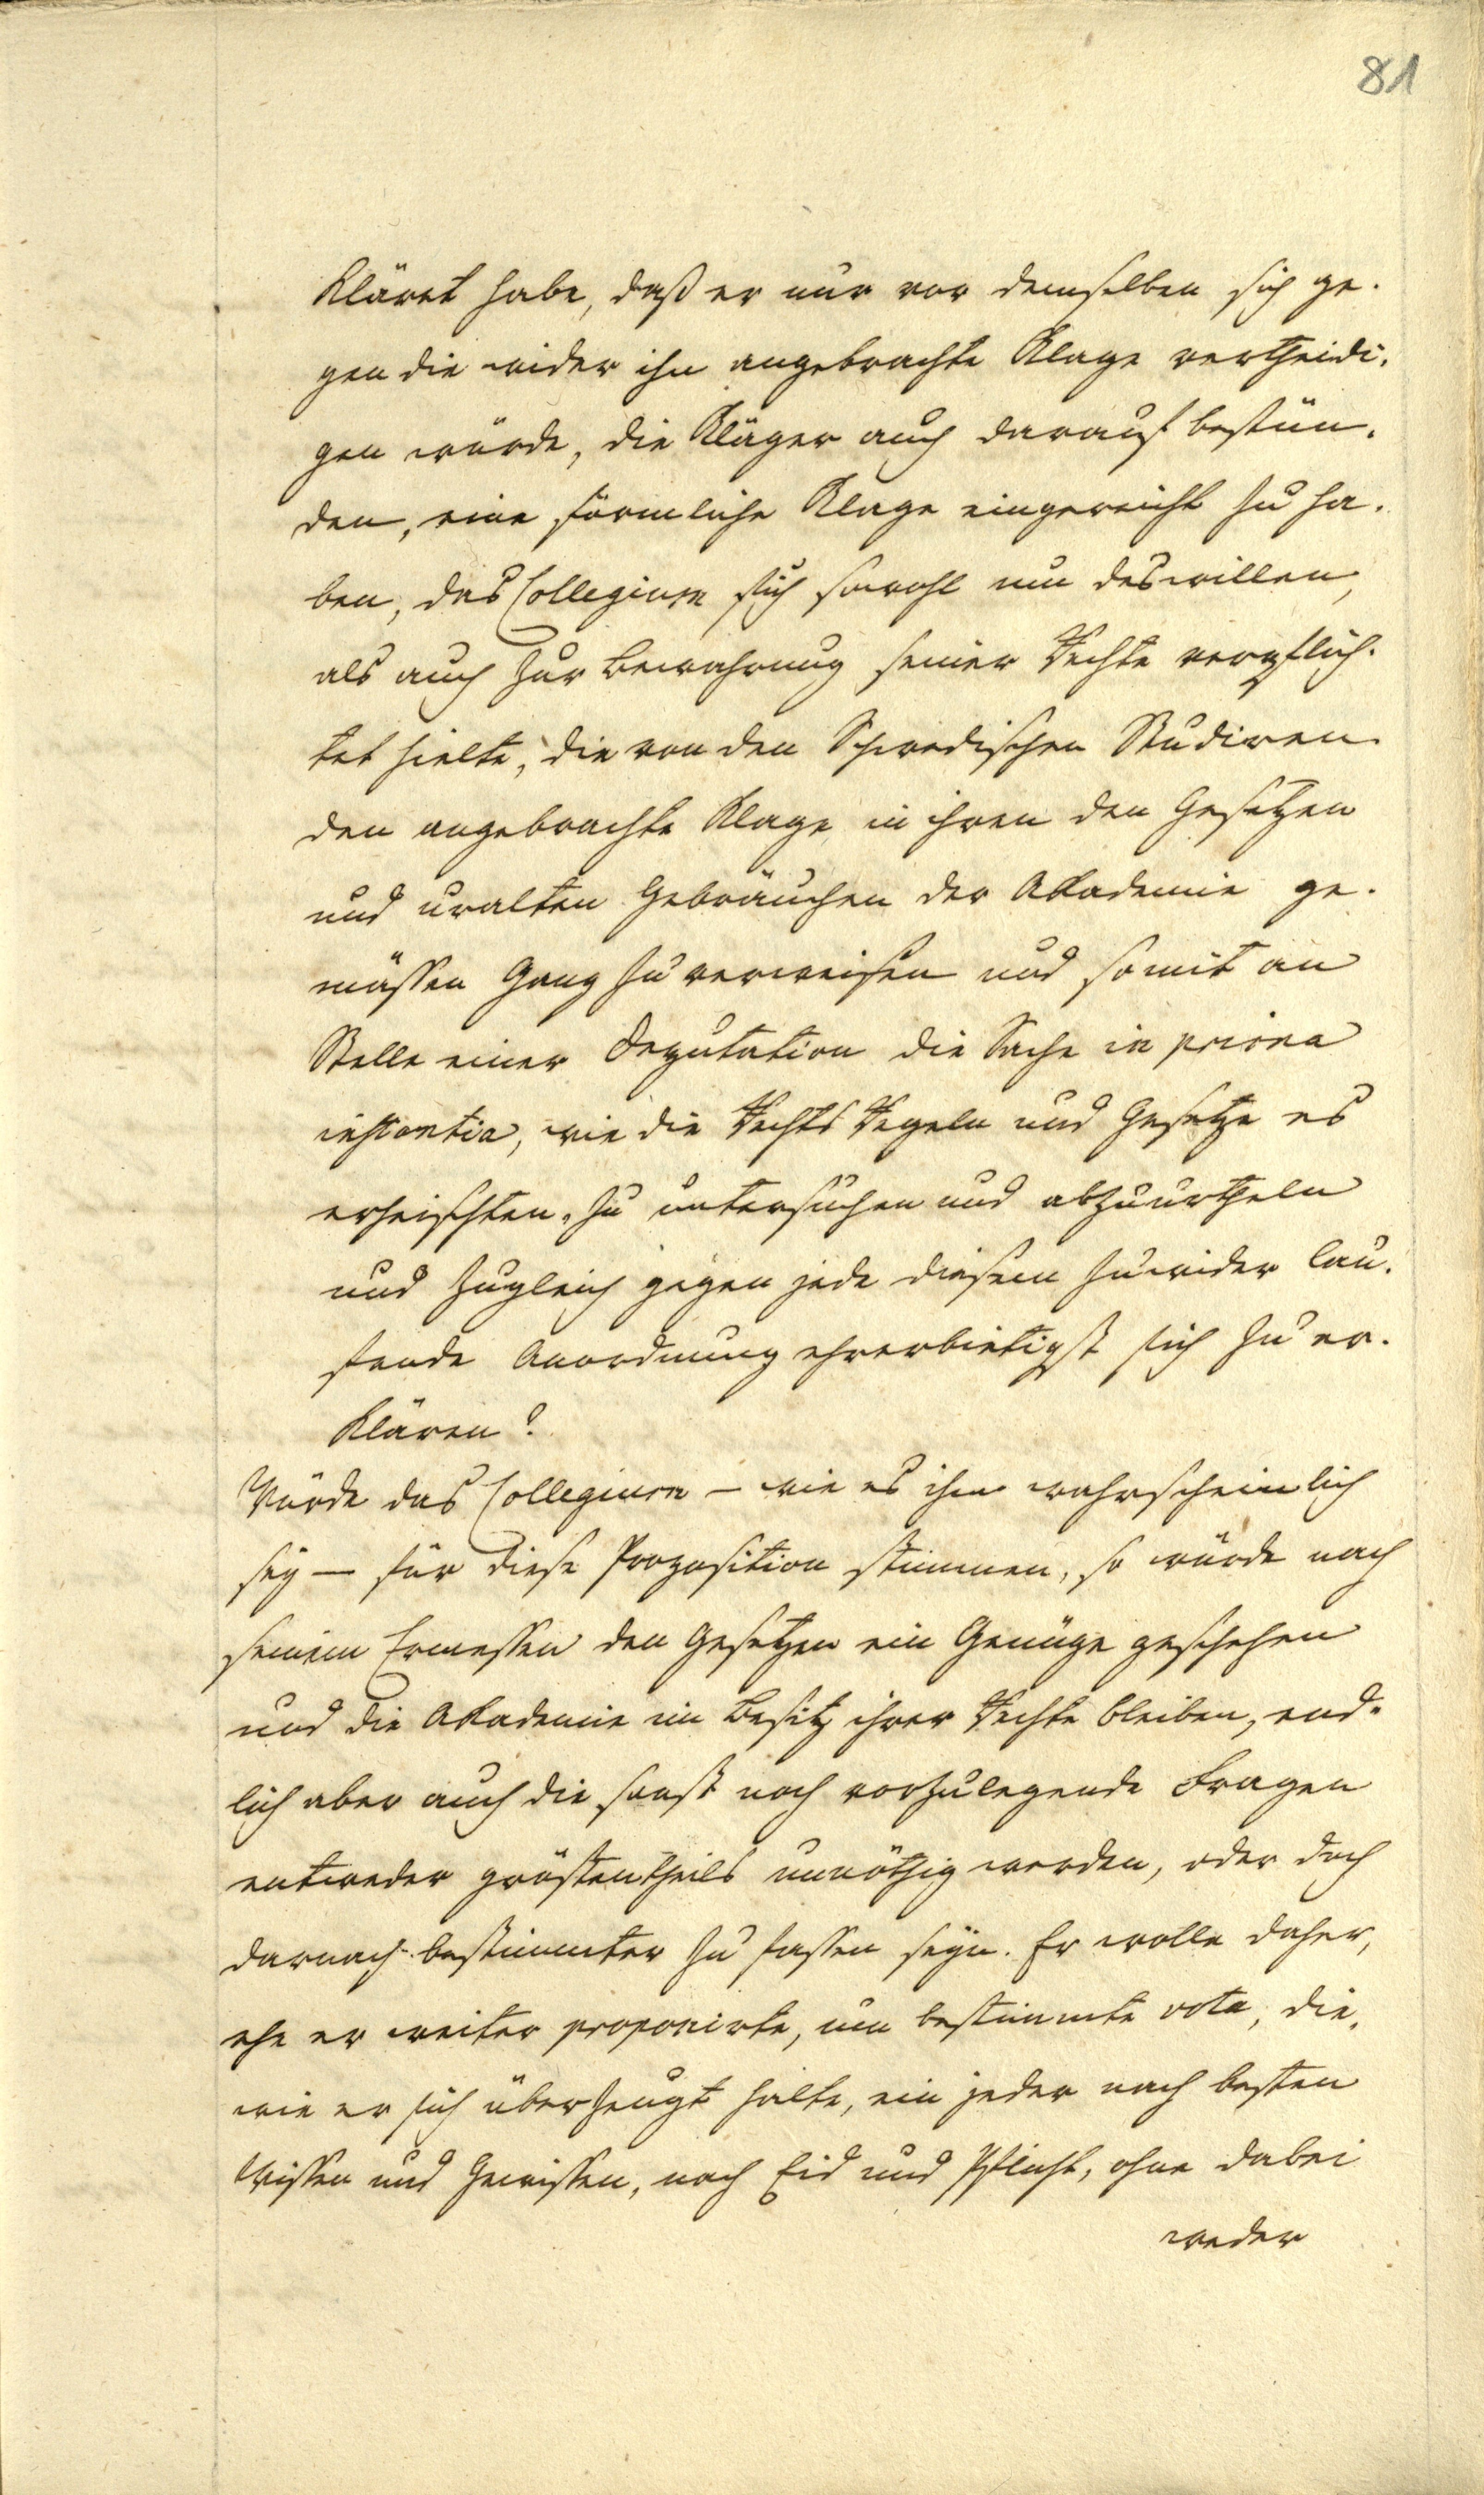kläret habe, daß er nur vor demselben sich ge¬
gen die wider ihn angebrachte Klage vertheidi¬
gen würde, die Klagen auch darauf bestün¬
den, eine förmliche Klage eingereicht zu ha¬
ben, das Collegium sich sowohl um deswillen,
als auf zur Bewahrung seiner Rechte verpflich¬
tet hielte, die von den Schwedischen Studiren¬
den angebrachte Klage in ihren den Gesetzen
und uralten Gebräuchen der Akademie ge¬
mässen Gang zu verweisen und somit an
Stelle einer Deputation die Sache in prima
instantia, wie die Rechts Regeln und Gesetze es
erheischten, zu untersuchen und abzuurtheln
und zugleich gegen jede diesem zuwider lau¬
fende Anordnung ehrerbietigst sich zu er¬
klären?
Würde das Collegium - wie es ihm wahrscheinlich
seÿ - für diese Proposition stimmen, so würde nach
seinem Ermessen den Gesetzen ein Genüge geschehen
und die Akademie im Besitz ihrer Rechte bleiben, end¬
lich aber auch die sonst noch vorzulegende Fragen
entweder größtentheils unnöthig werden, oder doch
darnach bestimmter zu fassen seÿn. Er wolle daher,
ehe er weiter proponirte, um bestimmte vota, die
wie er sich überzeugt halte, ein jeder nach besten
Wissen und Gewissen, nach Eid und Pflicht, ohne dabei
weder